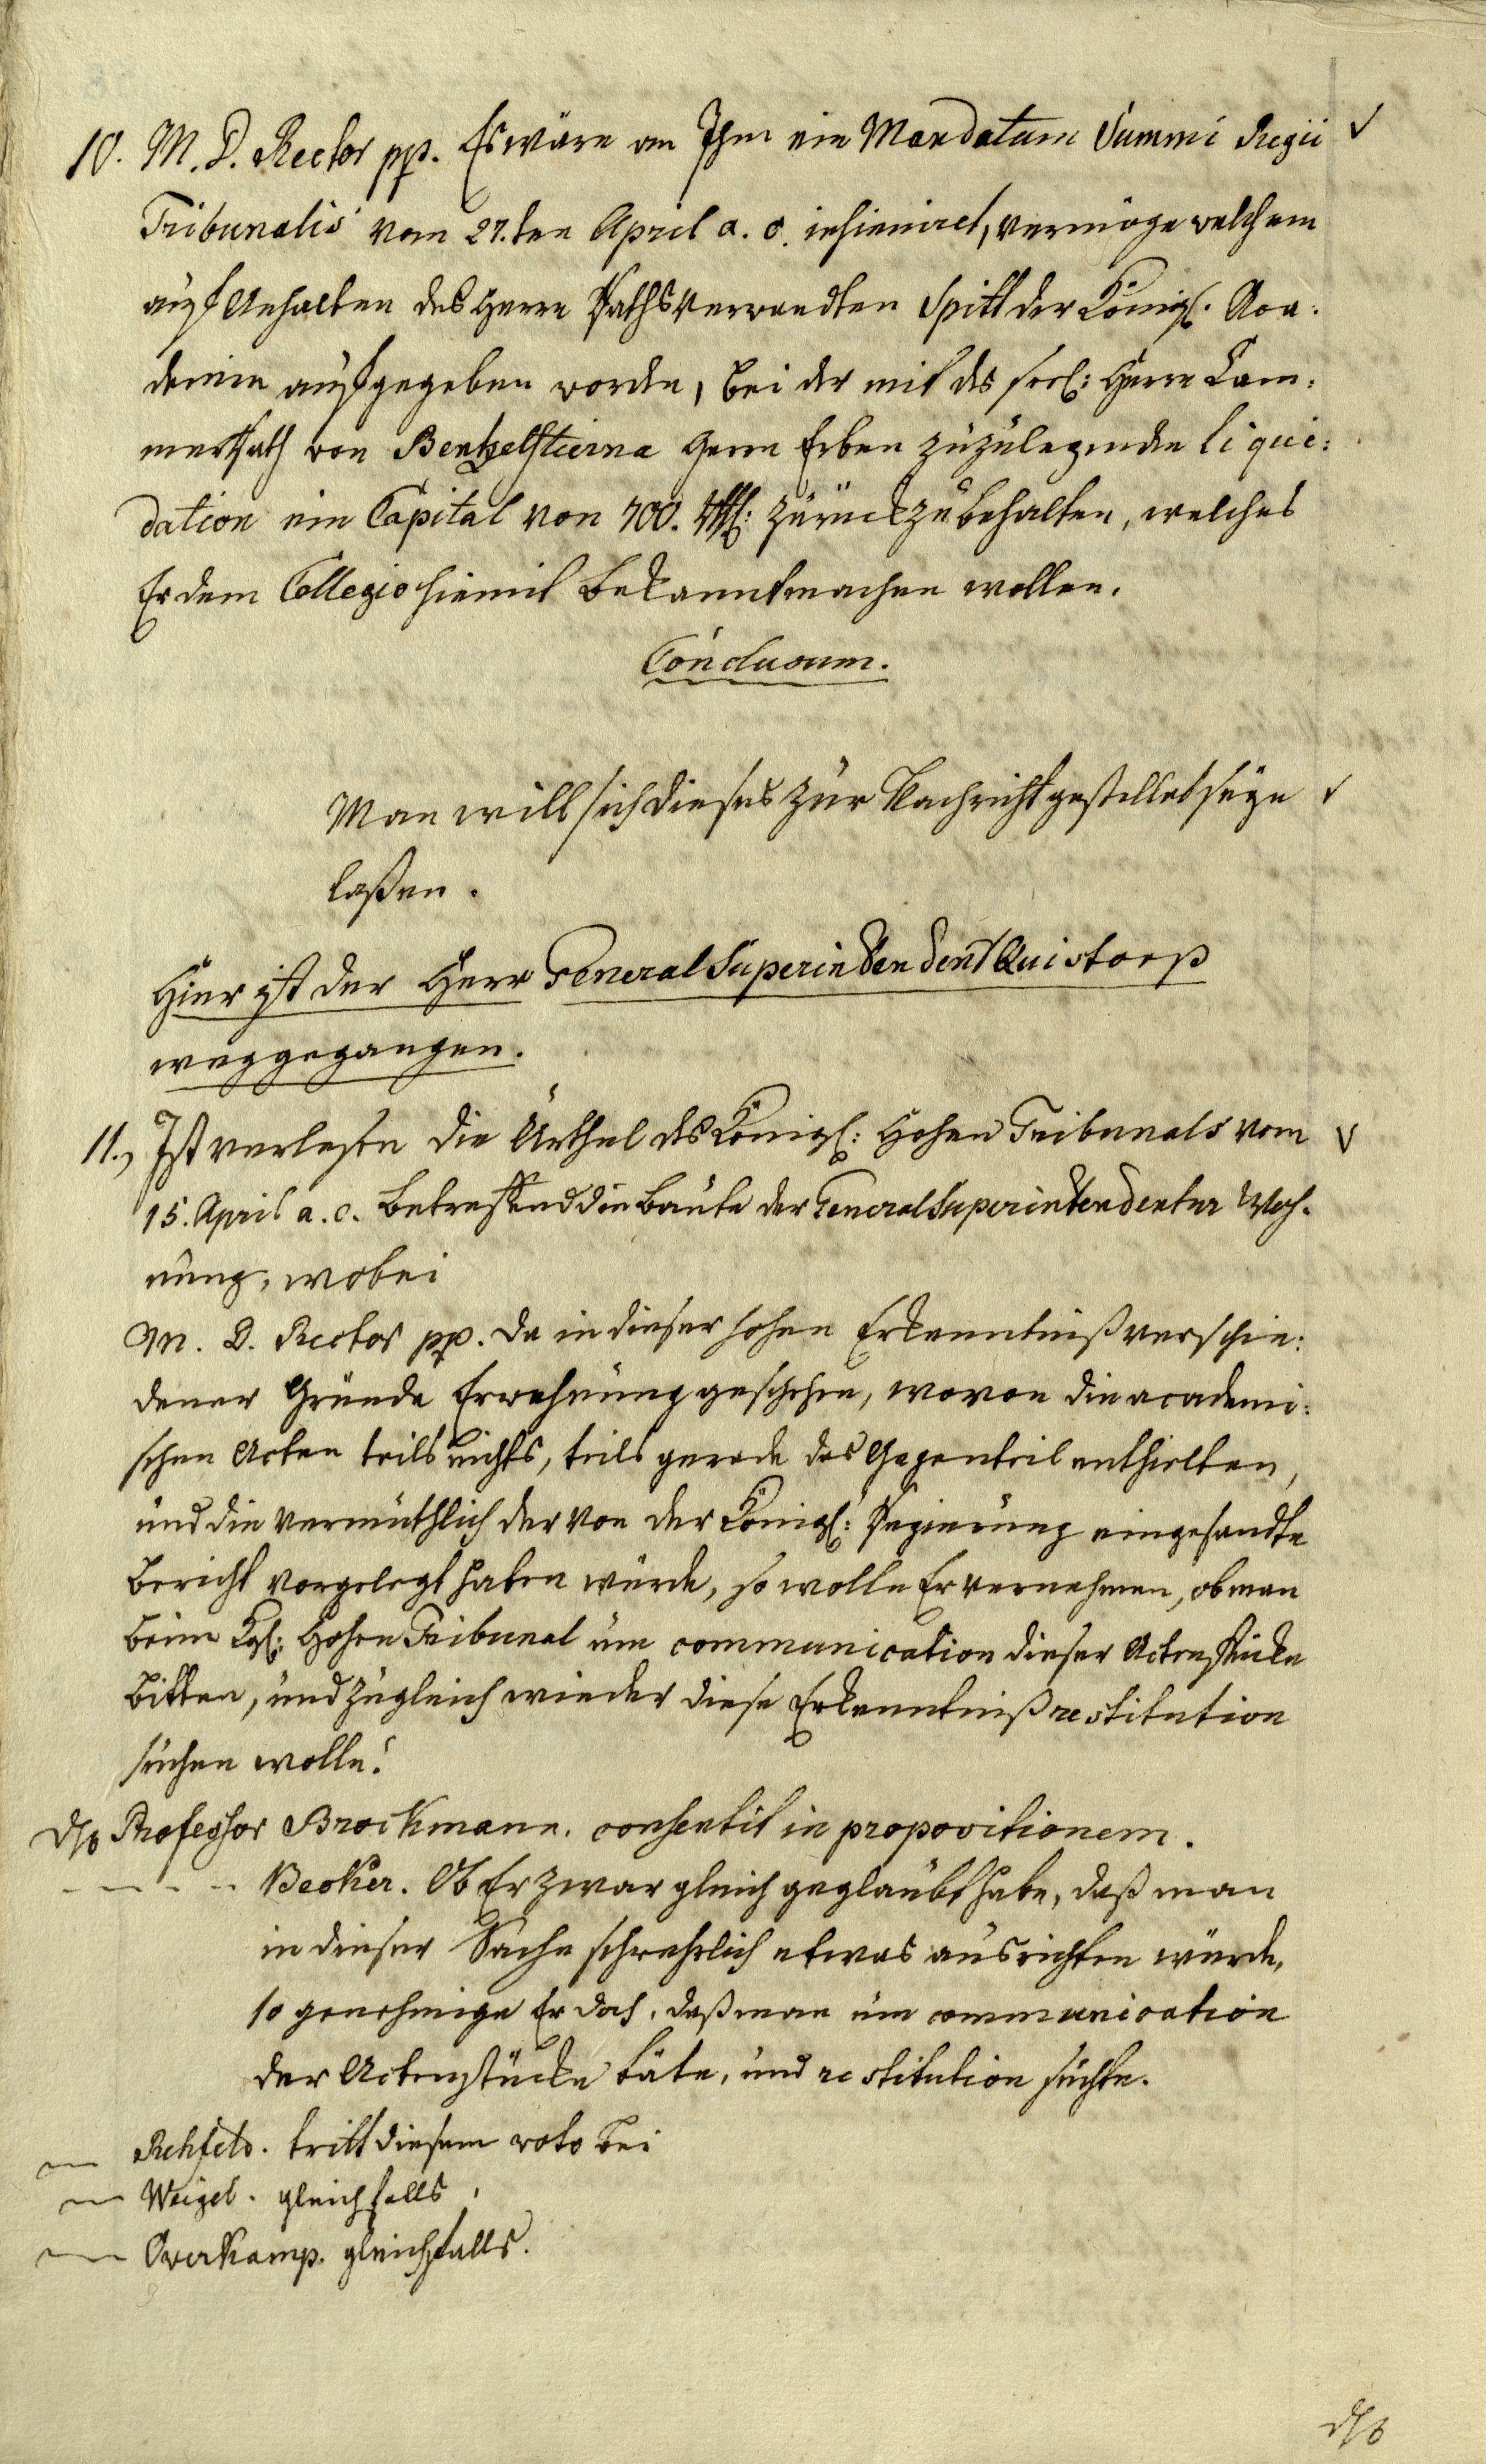10. M. D. Rector pp. Es wäre an Ihm ein Mandatum Summi Regii
Tribunalis vom 27. ten April a. c. inhieniret, vermöge welchem
auf Anhalten des Herrn Rathsverwandten Spitt der Königl. Aca¬
demie aufgegeben worden, bei der mit des seel. Herrn Cam¬
merRath von Bentzelstierna Herrn Erben zuzulegenden Liqui¬
dation ein Capital von 700 Rtl. zurückzubehalten, welches
Er dem Collegio hiemit bekanntmachen wollen.
Conclusum
Man will sich dieses zur Nachricht gestellet seÿn
laßen.
Hier ist der Herr GeneralSuperindendent Quistorp
weggegangen.
11. Ist verlesen die Urthel des Königl. Hohen Tribunals vom
15. April a. c. betreffend die Baute der GeneralSuperintendentur Woh¬
nung, wobei
M. D. Rector pp. Da in dieser hohen Erkenntniß verschie¬
dener Gründe Erwähnung geschehen, wovon die academi¬
schen Acten teils nichts, teils gerade das Gegenteil enthielten,
und die vermuthlich der von der Königl. Regierung eingesandte
Bericht vorgelegt haben würde, so wolle Er vernehmen, ob man
beim Kgl. Hohen Tribunal um communication dieser Actenstücke
bitten, und zugleich wieder diese Erkenntniß restitution
suchen wolle?
dh Professor Brockmann. consentit in propositionem.
Becker. Ob Er zwar gleich geglaubt habe, daß man
in dieser Sache schwehrlich etwas ausrichten würde,
so genehmige Er doch, daß man um communication
der Actenstücke bäte, und restitution suchte.
Rehfeld. tritt diesem voto bei.
Weigel gleichfalls.
Overkamp gleichfalls.